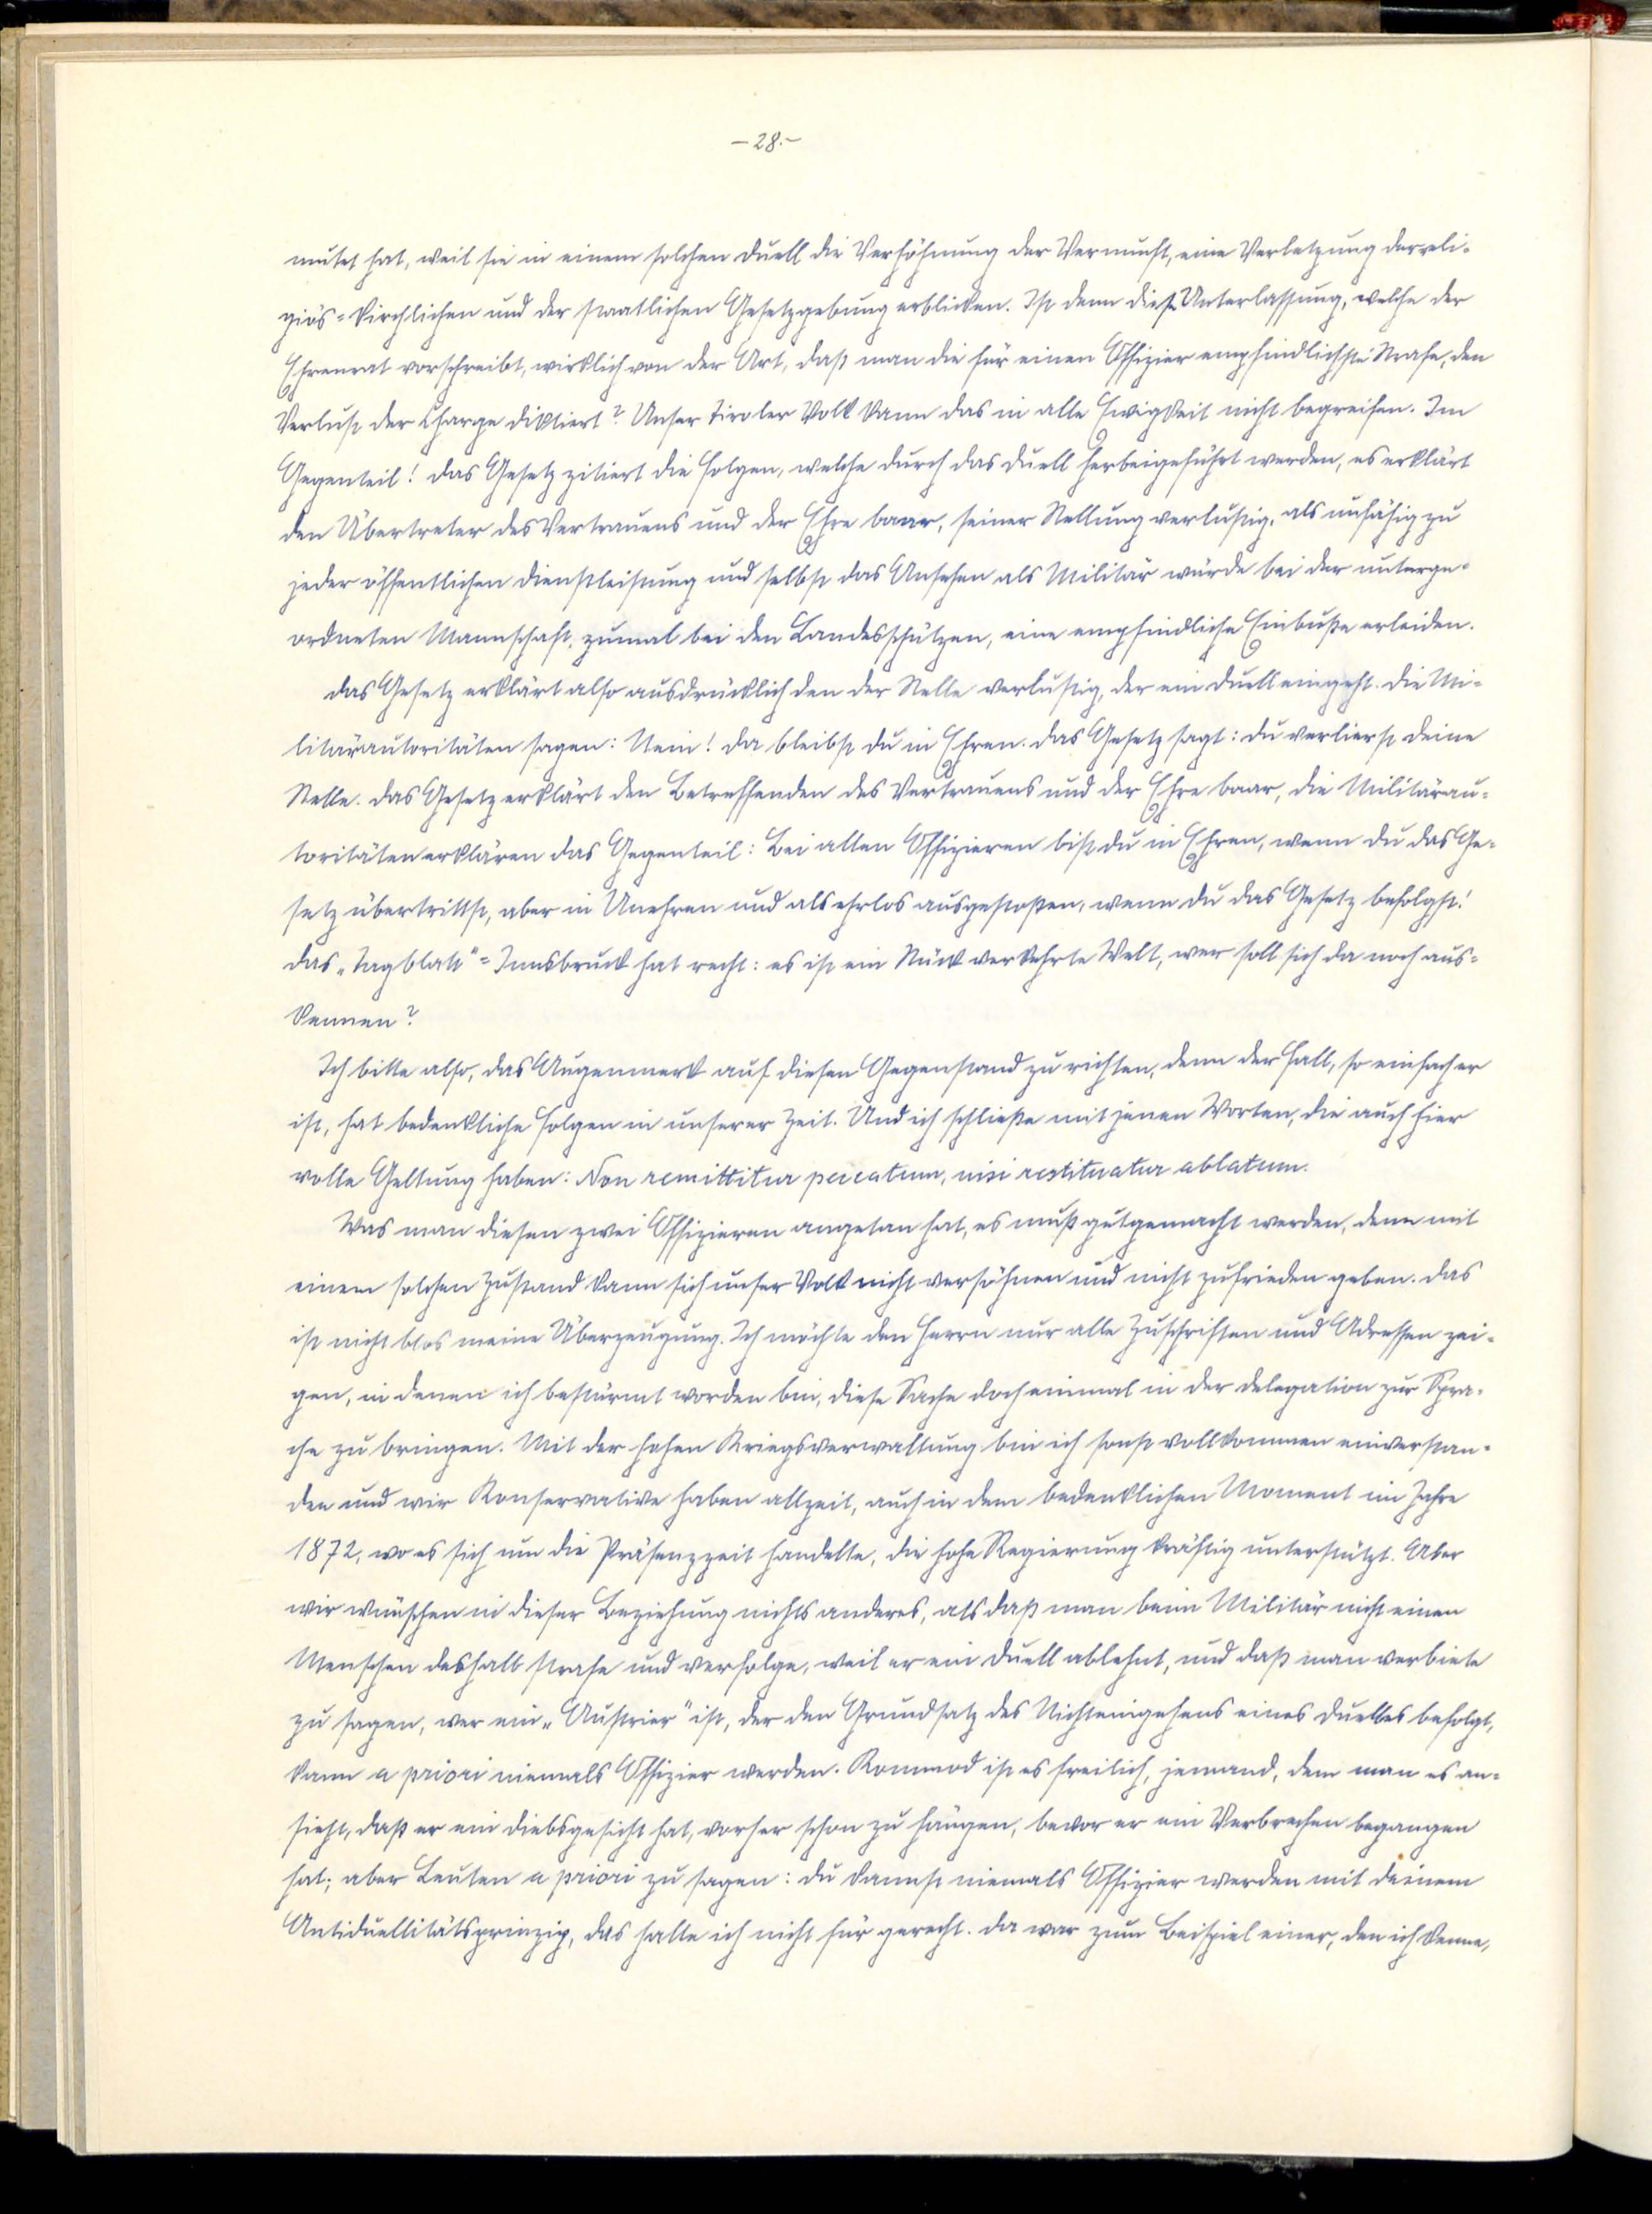28.
mutet hat, weil sie in einem solchen Duell die Verhöhnung der Vernunft, eine Verletzung derreli-
giös - kirchlichen und der staatlichen Gesetzgebung erblicken. Ist denn diese Unterlassung, welche der
Ehrenrat vorschreibt, wirklich von der Art, daß man die für einen Offizier empfindlichste Strafe, den
Verlust der Charge diktiert? Unser Tiroler Volk kann das in alle Ewigkeit nicht begreifen. Im
Gegenteil! Das Gesetz zitiert die Folgen, welche durch das Duell herbeigeführt werden, es erklärt
den Übertreter des Vertrauens und der Ehre bare, seiner Stellung verlustig, als unfähig zu
jeder öffentlichen Dienstleistung und selbst das Ansehen als Militär würde bei der unterge-
ordeten Mannschaft zumal bei den Landesschützen, eine empfindliche Einbuße erleiden.
Das Gesetz erklärt also ausdrücklich den der Stelle verlustig, der ein Duell eingeht. Die Mi-
litärautoritäten sagen: Nein! Da bleibst du in Ehren. Das Gesetz sagt: Du verlierst deine
Stelle. Das Gesetz erklärt den Betreffenden des Vertrauens und der Ehre bare, die Militärau-
toritäten erklären das Gegenteil: Bei allen Offizieren bist du in Ehren, wenn du das Ge-
setz übertrittst, aber in Unehren und als ehrelos ausgestoßen, wenn du das Gesetz befolgst!
Das „Tagblatt" - Innsbruck hat recht: Es ist ein Stück verkehrte Welt, wer soll sich da noch aus-
kennen ?
Ich bitte also, das Augenmerk auf diesen Gegenstand zu richten denn der Fall, so einfach er
ist, hat bedenkliche Folgen in unserer Zeit. Und ich schließe mit jenen Worten, die auch hier
volle Geltung haben: Non remittitur peicatum, nisi restituatur ablatum.
Was man diesen zwei Offizieren angetan hat, es muss gutgemacht werden, denn mit
einem solchen Zustand kann sich unser Volk nicht versöhnen und nicht zufrieden geben. Das
ist nicht blos meine Überzeugung. Ich möchte den Herrn nur alle Zuschriften und Adressen zei-
gen, in denen ich bestürmt worden bin, diese Sache doch einmal in der Delegation zur Spra-
che zu bringen. Mit der hohen Kriegsverwaltung bin ich sonst vollkommen einverstan-
den und wir Konservative haben allzeit, auch in dem bedenklichen Moment im Jahre
1872, wo es sich um die Präsenzzeit handelte, die hohe Regierung kräftig unterstützt. Aber
wir wünschen in dieser Beziehung nichts anderes, als daß man beim Militär nicht einen
Menschen deshalb strafe und verfolge, weil er ein Duell ablehnt, und daß man verbietet
zu sagen, wer ein „Austrier“ ist, der den Grundsatz des Nichteingehens eines Duelles befolgt,
kann a priori niemals Offizier werden. Kommod ist es freilich, jemand, dem man es an-
sieht, dass er ein Diebsgesicht hat, vorher schon zu hängen, bevor er ein Verbrehen begangen
hat; aber Leuten a priori zu sagen: Du kannst niemals Offizier werden mit deinem
Antiduellitätsprinzip, das halte ich nicht für gerecht. Da war zum Beispiel einer, den ich kenne,